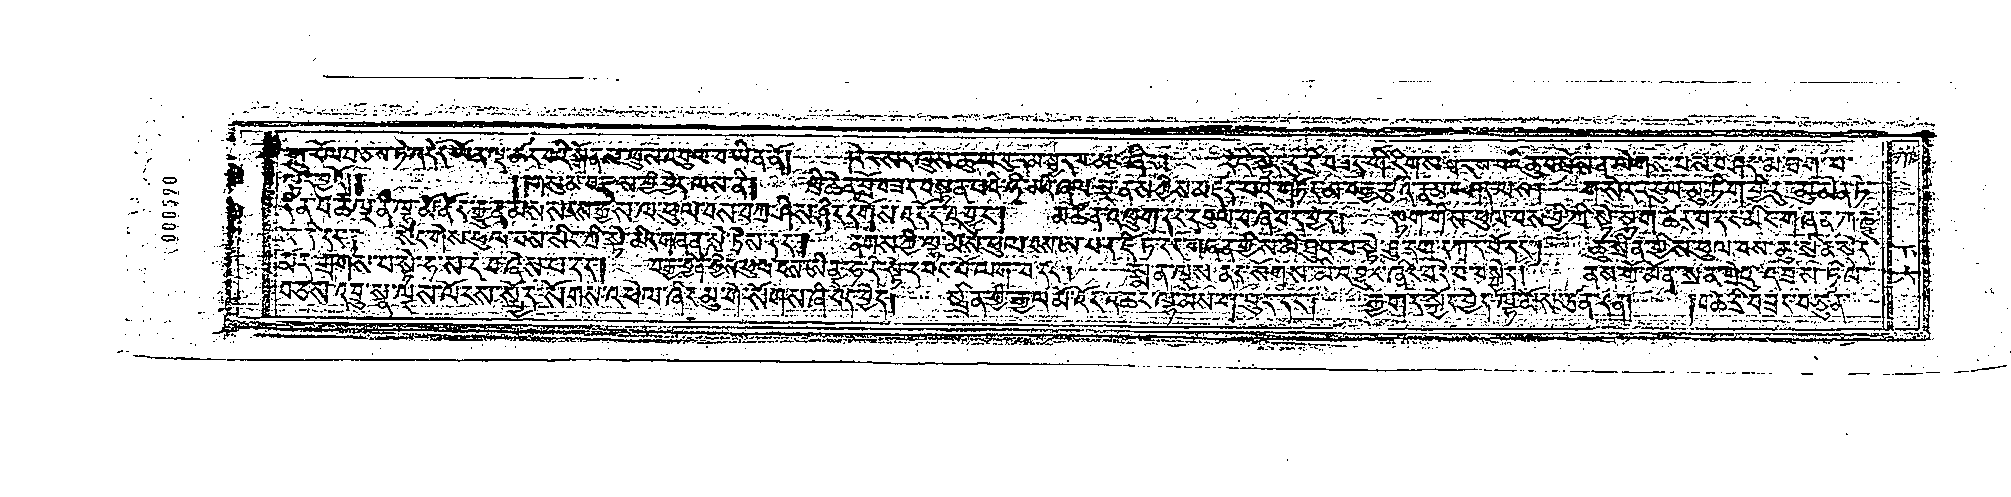གླུ་རོལ་བཅས་ཏེ་འདོད་ཡོན་ལྔ་ཚང་བའི་སྒོ་ནས་ཁྲུས་འབུལ་བ་ཡིན་ནོ། །དེང་སང་ཁྲུས་ཆུ་ལ་བུ་རམ་སྦྱར་བ་མང་ཞིང་། དེའི་སྟེང་དུ་དྲི་བཟང་གི་རིགས་སྦངས་བའི་ཆུ་བསྲེས་ན་ལེགས་པས་བཤད་མ་ཐག་པ་
ལྟར་བྱའོ།། །།གསུམ་བརྫས་ཀྱི་བྱེད་ལས་ནི། ཁྲི་ཆེན་བློ་བཟང་བསྟན་པའི་ཉི་མའི་ཞལ་སྔ་ནས་ཀྱིས་མཛད་པའི་གཏོར་མ་བརྒྱ་རྩའི་རྣམ་བཤད་ལས། གསེར་དངུལ་མུ་ཏིག་བྱི་རུ་མུ་མེན་ཏེ་
རིན་པོ་ཆེ་ལྔ་ནི་ལྷ་མོ་ནོར་རྒྱུན་མས་སངས་རྒྱས་ལ་ཕུལ་བས་བཀྲ་ཤིས་ཤིང་དགོས་འདོད་འབྱུང་། མཚོན་འཁྲུག་དང་དབུལ་བ་ཞི་བར་བྱེད། སྟག་གིས་ཕུལ་བས་བྱི་ཀྲི་སྟེ་སྟག་ཚེར་བ་དང་མིང་གཞན་ཀཎྚ་
འདིར་དང༑ སེང་གེས་ཕུལ་བས་སིང་ཀྲི་སྟེ་མིང་གཞན་སླེ་ཏྲེས་དང་། ནགས་ཀྱི་ལྷ་མོས་ཕུལ་བས་ཨ་པ་ར་ཛི་ཏ་དང་གཞན་གྱིས་མི་ཐུབ་པ་སྟེ་ཤུ་དག་དཀར་པོ་དང་། ཆུ་སྲིན་གྱིས་ཕུལ་བས་ཆུ་སྲིན་སྡེར་
མོར་གྲགས་པ་སྟེ་ཧ་ས་དེ་བ་ཞེས་པ་དང་། བརྒྱ་བྱིན་གྱིས་ཕུལ་བས་ཨིནྡྲ་ཧ་རི་སྟེ་དབང་པོ་ལག་བ་དང་། སྨན་ལྔས་ནད་སོགས་མི་འབྱུང་ཞིང་བདེ་བ་བསྐྱེད། ནས་གྲོ་མོན་སྲན་གྲེའུ་འབྲས་ཏིལ་
བཅས་འབྲུ་སྣ་ལྔས་ལོངས་སྤྱོད་སོགས་འཕེལ་ཞིང་མུ་གེ་སོགས་ཞི་བར་བྱེད། སྤྲིན་གྱི་རྒྱལ་མོ་འོང་འཆང་ལྷ་མོས་ག་བུར་དང་། རྒྱ་གར་སྐྱོང་བྱེད་ལྷ་མོས་ཙན་དན། ཁ་ཆེ་དྲི་བཟང་བཙུན་